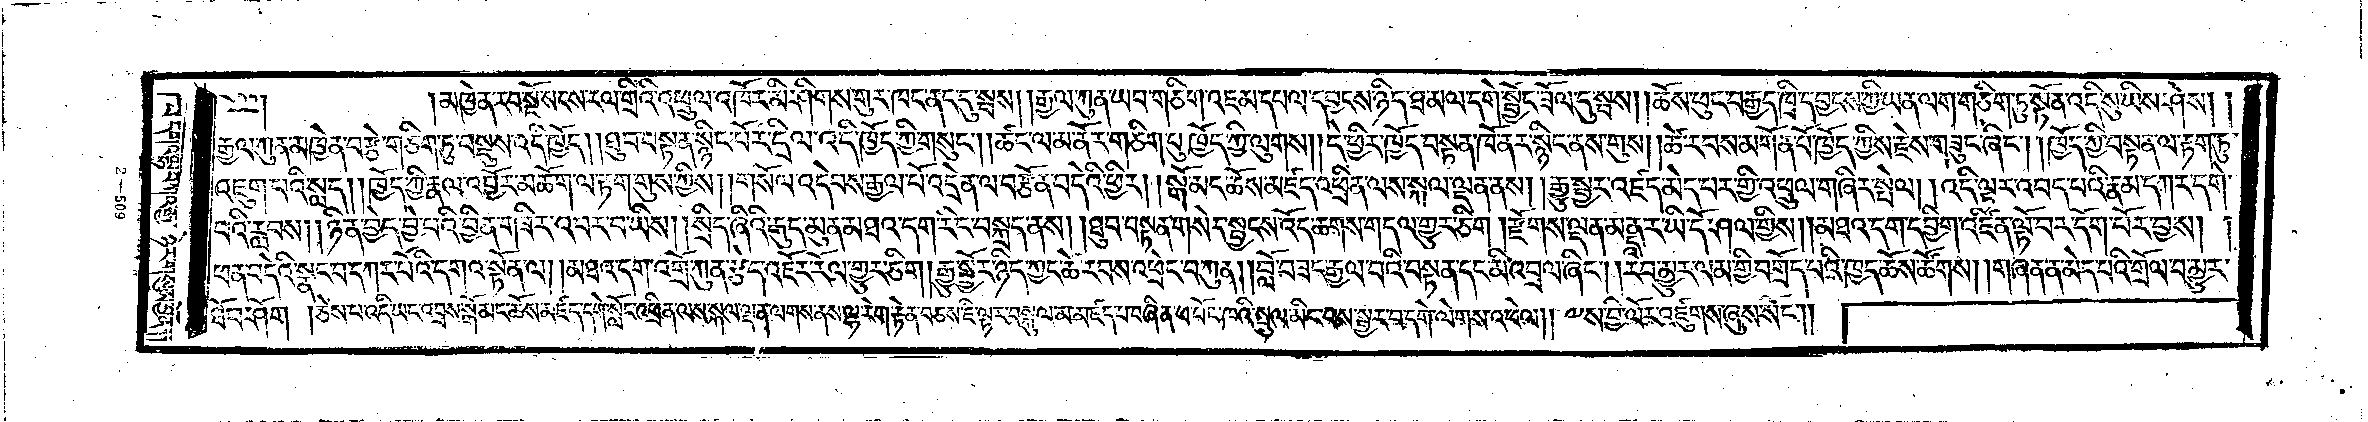༄༅། །མཁྱེན་རབ་སྔོ་སངས་རལ་གྲིའི་འཕྲུལ་འཁོར་མི་ཤིགས་གུར་ཁང་ནང་དུ་སྤས། །རྒྱལ་ཀུན་ཡབ་གཅིག་འཇམ་དཔལ་དབྱངས་ཉིད་ཐ་མལ་དགེ་སྦྱོང་ཟོལ་དུ་སྤས། །ཆོས་ཕུང་བརྒྱད་ཁྲི་དབྱངས་ཀྱི་ཡན་ལག་གཅིག་ཏུ་སྟོན་འདི་སུ་ཡིས་ཤེས། །
རྒྱལ་ཀུན་མཁྱེན་བརྩེ་གཅིག་ཏུ་བསྡུས་འདི་ཁྱོད། །ཐུབ་བསྟན་སྙིང་པོར་དྲིལ་འདི་ཁྱོད་ཀྱི་གསུང་། །ཚང་ལ་མ་ནོར་གཅིག་པུ་ཁྱོད་ཀྱི་ལུགས། །དེ་ཕྱིར་ཁྱོད་བསྟན་ཁོ་ནར་སྙིང་ནས་གུས། །ཚེ་རབས་མགོན་པོ་ཁྱོད་ཀྱིས་རྗེས་གཟུང་ཞིང་། །ཁྱོད་ཀྱི་བསྟན་ལ་རྟག་ཏུ་
འཇུག་པའི་སླད། །ཁྱོད་ཀྱི་རྣལ་འབྱོར་མཆོག་ལ་རྟག་གུས་ཀྱིས། །གསོལ་འདེབས་རྒྱལ་པོ་འདྲེན་ལ་བརྩོན་བདེའི་ཕྱིར། །སྒོ་མང་ཆོས་མཛད་འཕྲིན་ལས་སྐལ་ལྡན་ནས། །རྒྱུ་སྦྱར་འཛད་མེད་པར་གྱི་འཕྲུལ་གཞི་སྤེལ། །འདི་ལྟར་འབད་པའི་རྣམ་དཀར་དགེ་
བའི་རླབས། །ཉིད་བྱེད་བྱེ་བའི་བྱིན་གཟིར་འབར་བ་ཡིས། །སྲིད་ཞིའི་རྒུད་མུན་མཐའ་དག་རིང་བསྐྲད་ནས། །ཐུབ་བསྟན་གསེར་སྦྱངས་འོད་ཆགས་གདལ་གྱུར་ཅིག །རྫོགས་ལྡན་མནྡཱ་ར་ཡི་དོ་ཤལ་གྱིས། །མཐའ་དག་དབྱིག་འཛིན་ལྟོ་བར་དོག་པོར་བྱས། །
ཕན་བདེའི་སྣང་བ་དཀར་པོའི་དགའ་སྟོན་ལ། །མཐའ་དག་འགྲོ་ཀུན་རྩེད་འཇོར་རོལ་གྱུར་ཅིག །རྒྱུ་སྦྱོར་ཉིད་ཀྱང་ཚེ་རབས་འཕྲེང་བ་ཀུན། །བློ་བཟང་རྒྱལ་བའི་བསྟན་དང་མི་འབྲལ་ཞིང་། །རབ་མྱུར་ལམ་གྱི་བགྲོད་པའི་ཁྱད་ཆོས་ཚོགས། །གཞན་ན་མེད་པའི་གྲོལ་བ་མྱུར་
ཐོབ་ཤོག །ཅེས་པ་འདི་ཡང་འབྲས་སྒོ་མང་ཆོས་མཛད་དགེ་སློང་འཕྲིན་ལས་སྐལ་ལྡན་ལགས་ནས་ལྷ་རེག་རྟེན་བཅས་ཇི་ལྟར་བསྐུལ་མ་མཛད་པ་བཞིན་ཕ་བོང་ཁའི་སྤྲུལ་མིང་པས་སྦྱར་བ་དགེ་ལེགས་འཕེལ། ༧ས་བྱི་ལོར་འཛུགས་ཞུས་སོང